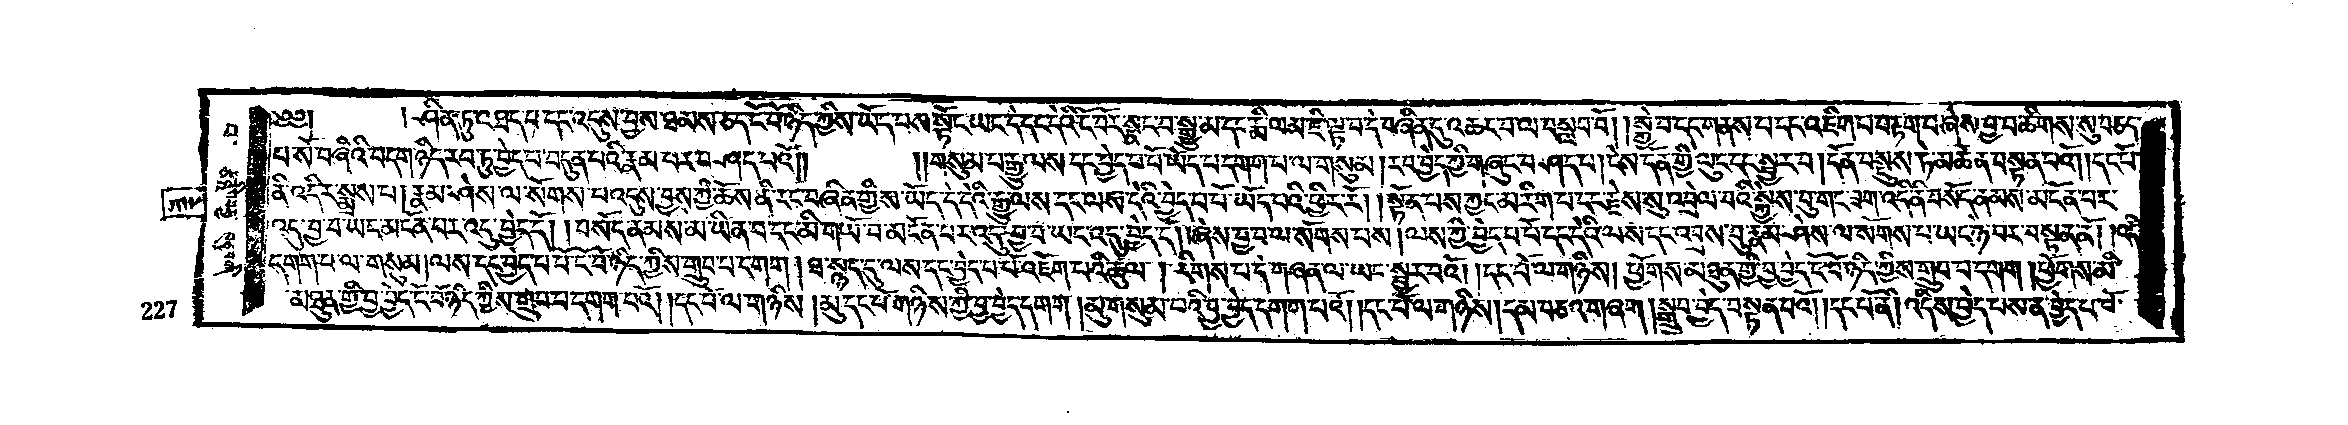༄༅། །ཤིན་ཏུ་འཐད་པ་དང་འདུས་བྱས་ཐམས་ཅད་ངོ་བོ་ཉིད་ཀྱིས་ཡོད་པས་སྟོང་ཡང་དེ་དང་དེའི་ངོ་བོར་སྣང་བ་སྒྱུ་མ་དང་རྨི་ལམ་ཇི་ལྟ་བ་དེ་བཞིན་དུ་འཆར་བ་ལ་བསླབ་བོ། །སྐྱེ་བ་ངང་གནས་པ་དང་འཇིག་པ་བརྟག་པ་ཞེས་བྱ་བ་ཚིགས་སུ་བཅད་
པ་སོ་བཞིའི་བདག་ཉིད་རབ་ཏུ་བྱེད་པ་བདུན་པའི་རྣམ་པར་བཤད་པའོ།། །།གསུམ་པ་རྒྱུ་ལས་དང་བྱེད་པ་པོ་ཡོད་པ་དགག་པ་ལ་གསུམ། རབ་བྱེད་ཀྱི་གཞུང་བཤད་པ། ངེས་དོན་གྱི་ལུང་དང་སྦྱར་བ། དོན་བསྡུས་ཏེ་མཚན་བསྟན་པའོ། །དང་པོ་
ནི་འདིར་སྨྲས་པ། རྣམ་ཤེས་ལ་སོགས་པ་འདུས་བྱས་ཀྱི་ཆོས་ནི་རང་བཞིན་གྱིས་ཡོད་དེ་དེའི་རྒྱུ་ལས་དང་ལས་དེའི་བྱེད་པ་པོ་ཡོད་པའི་ཕྱིར་རོ། །སྟོན་པས་ཀྱང་མ་རིག་པ་དང་རྗེས་སུ་འབྲེལ་བའི་སྐྱེས་བུ་གང་ཟག་འདི་ནི་བསོད་ནམས་མངོན་པར་
འདུ་བྱ་བ་ཡང་མངོན་པར་འདུ་བྱེད་དོ། །བསོད་ནམས་མ་ཡིན་པ་དང་མི་གཡོ་བ་མངོན་པར་འདུ་བྱ་བ་ཡང་འདུ་བྱེད་དོ། །ཞེས་བྱ་བ་ལ་སོགས་པས། ལས་ཀྱི་བྱེད་པ་པོ་དང་དེའི་ལས་དང་འབྲས་བུ་རྣམ་ཤེས་ལ་སོགས་པ་ཡང་ཉེ་བར་བསྟན་ནོ། །འདི་
དགག་པ་ལ་གསུམ། ལས་དང་བྱེད་པ་པོ་ངོ་བོ་ཉིད་ཀྱིས་གྲུབ་པ་དགག །ཐ་སྙད་དུ་ལས་དང་བྱེད་པ་པོ་འཇོག་པའི་ཚུལ། རིགས་པ་དེ་གཞན་ལ་ཡང་སྦྱར་བའོ། །དང་པོ་ལ་གཉིས། ཕྱོགས་མཐུན་གྱི་བྱ་བྱེད་ངོ་བོ་ཉིད་ཀྱིས་གྲུབ་པ་དགག །ཕྱོགས་མི་
མཐུན་གྱི་བྱ་བྱེད་ངོ་བོ་ཉིད་ཀྱིས་གྲུབ་པ་དགག་པའོ། །དང་པོ་ལ་གཉིས། མུ་དང་པོ་གཉིས་ཀྱི་བྱ་བྱེད་དགག །མུ་གསུམ་པའི་བྱ་བྱེད་དགག་པའོ། །དང་པོ་ལ་གཉིས། དམ་བཅའ་གཞག །སྒྲུབ་བྱེད་བསྟན་པའོ། །དང་པོ་ནི། འདིས་བྱེད་པས་ན་བྱེད་པ་པོ་